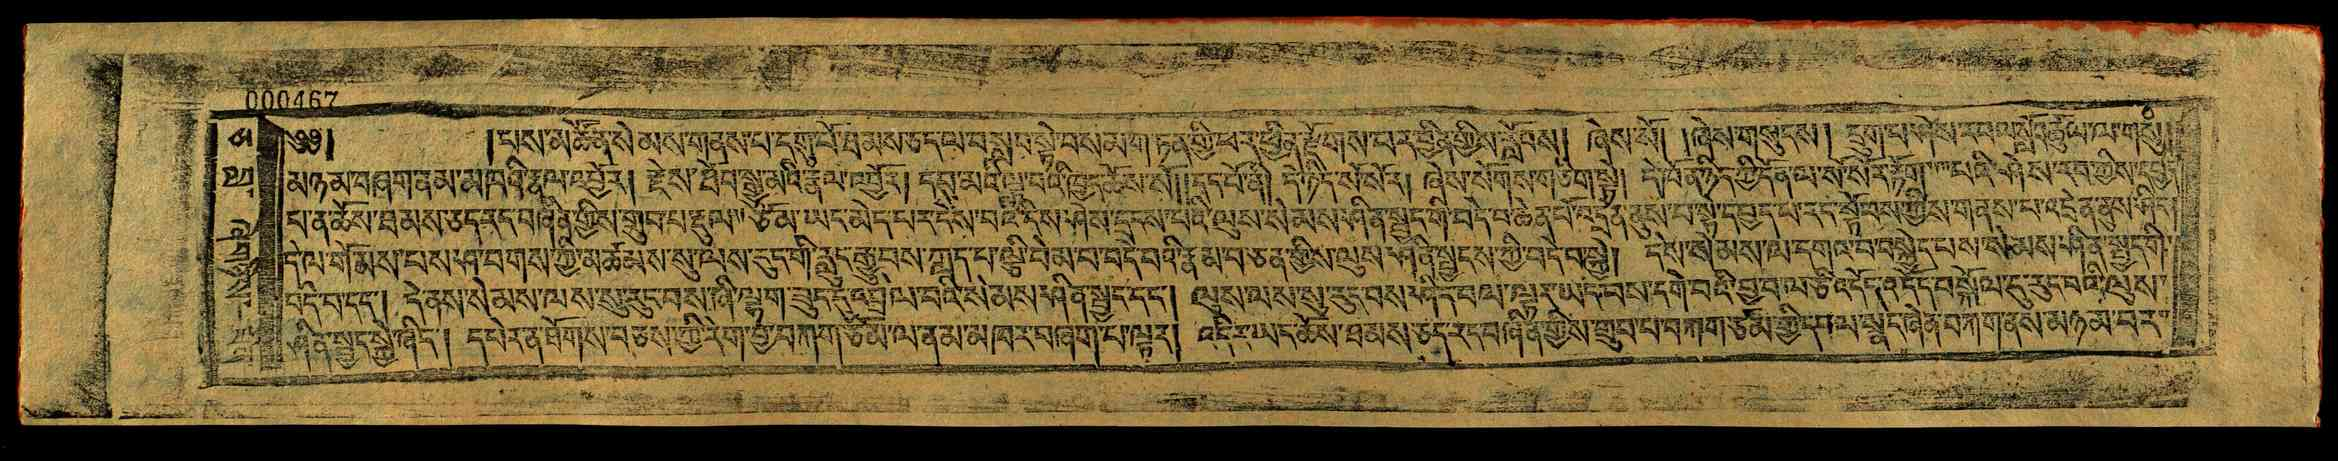༄༅། །པས་མཚོན་སེམས་གནས་པ་དགུ་པོ་ཐམས་ཅད་ལ་བསླབ་སྟེ་བསམ་གཏན་གྱི་ཕར་ཕྱིན་རྫོགས་པར་བྱིན་གྱིས་རློབས། ཞེས་སོ། །ཞེས་གསུངས། དྲུག་པ་ཤེས་རབ་ལ་སློབ་ཚུལ་ལ་གསུམ།
མཉམ་བཞག་ནམ་མཁའི་རྣལ་འབྱོར། རྗེས་ཐོབ་སྒྱུ་མའི་རྣལ་འབྱོར། དབུ་མའི་ལྟ་བའི་ཁྱད་ཆོས་སོ། །དང་པོ་ནི། དེ་ཉིད་སོ་སོར། ཞེས་སོགས་གཅིག་སྟེ། དེ་ཁོ་ན་ཉིད་ཀྱི་དོན་ལ་སོ་སོར་རྟོག་པའི་ཤེས་རབ་ཀྱིས་དཔྱད་
པ་ན་ཆོས་ཐམས་ཅད་རང་བཞིན་གྱིས་གྲུབ་པ་རྡུལ་ཙམ་ཡང་མེད་པར་ངེས་པའི་ངེས་ཤེས་དྲངས་པའི་ལུས་སེམས་ཤིན་སྦྱང་གི་བདེ་བ་ཆེན་པོ་འདྲེན་ནུས་པ་སྟེ་དཔྱད་པ་རང་སྟོབས་ཀྱིས་གནས་པ་འདྲེན་ནུས་ཤིང་།
དེ་ལ་གོམས་པས་ཤ་པགས་ཀྱི་མཚམས་སུ་ལས་རུང་གི་རླུང་རྒྱུ་བས་ཀླད་པ་ལྕི་བེམ་པ་བདེ་བའི་རྣམ་པ་ཅན་གྱིས་ལུས་ཤིན་སྦྱངས་ཀྱི་བདེ་བ་སྐྱེ། ངེས་སེམས་ལ་དགའ་བ་བསྐྱེད་པས་སེམས་ཤིན་སྦྱང་གི་
བདེ་བ་དང་། དེ་ནས་སེམས་ལས་སུ་རུང་བས་ཞི་ལྷག་ཟུང་དུ་འབྲེལ་བའི་སེམས་ཤིན་སྦྱང་དང་། ལུས་ལས་སུ་རུང་བས་ཤིང་བལ་ལྟར་ཡང་བས་དགེ་བའི་བྱ་བ་ལ་ཅི་འདོད་འདོད་བསྐོལ་དུ་རུང་བའི་ལུས་
ཤིན་སྦྱང་སྐྱེ་ཞིང་། དཔེར་ན་ཐོགས་བཅས་ཀྱི་རེག་བྱ་བཀག་ཙམ་ལ་ནམ་མཁར་བཞག་པ་ལྟར། འདིར་ཡང་ཆོས་ཐམས་ཅད་རང་བཞིན་གྱིས་གྲུབ་པ་བཀག་ཙམ་གྱི་ངང་ལ་སྣང་ཞེན་བཀག་ནས་མཉམ་པར་